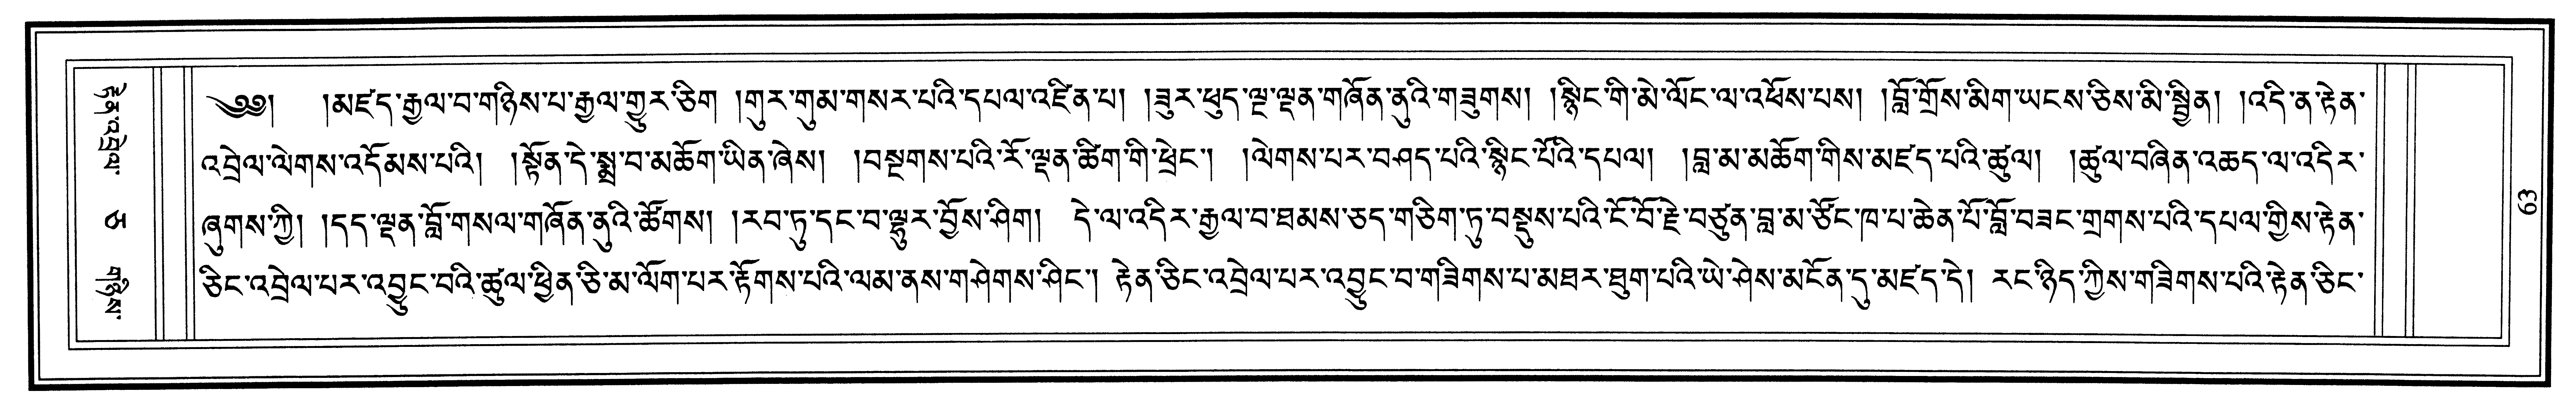༄༅། །མཛད་རྒྱལ་བ་གཉིས་པ་རྒྱལ་གྱུར་ཅིག །གུར་གུམ་གསར་པའི་དཔལ་འཛིན་པ། །ཟུར་ཕུད་ལྔ་ལྡན་གཞོན་ནུའི་གཟུགས། །སྙིང་གི་མེ་ལོང་ལ་འཕོས་པས། །བློ་གྲོས་མིག་ཡངས་ཅིས་མི་སྦྱིན། །འདི་ན་རྟེན་
འབྲེལ་ལེགས་འདོམས་པའི། །སྟོན་དེ་སྨྲ་བ་མཆོག་ཡིན་ཞེས། །བསྔགས་པའི་རོ་ལྡན་ཚིག་གི་ཕྲེང་། །ལེགས་པར་བཤད་པའི་སྙིང་པོའི་དཔལ། །བླ་མ་མཆོག་གིས་མཛད་པའི་ཚུལ། །ཚུལ་བཞིན་འཆད་ལ་འདིར་
ཞུགས་ཀྱི། །དད་ལྡན་བློ་གསལ་གཞོན་ནུའི་ཚོགས། །རབ་ཏུ་དང་བ་ལྷུར་བྱོས་ཤིག །དེ་ལ་འདིར་རྒྱལ་བ་ཐམས་ཅད་གཅིག་ཏུ་བསྡུས་པའི་ངོ་བོ་རྗེ་བཙུན་བླ་མ་ཙོང་ཁ་པ་ཆེན་པོ་བློ་བཟང་གྲགས་པའི་དཔལ་གྱིས་རྟེན་
ཅིང་འབྲེལ་པར་འབྱུང་བའི་ཚུལ་ཕྱིན་ཅི་མ་ལོག་པར་རྟོགས་པའི་ལམ་ནས་གཤེགས་ཤིང་། རྟེན་ཅིང་འབྲེལ་པར་འབྱུང་བ་གཟིགས་པ་མཐར་ཐུག་པའི་ཡེ་ཤེས་མངོན་དུ་མཛད་དེ། རང་ཉིད་ཀྱིས་གཟིགས་པའི་རྟེན་ཅིང་